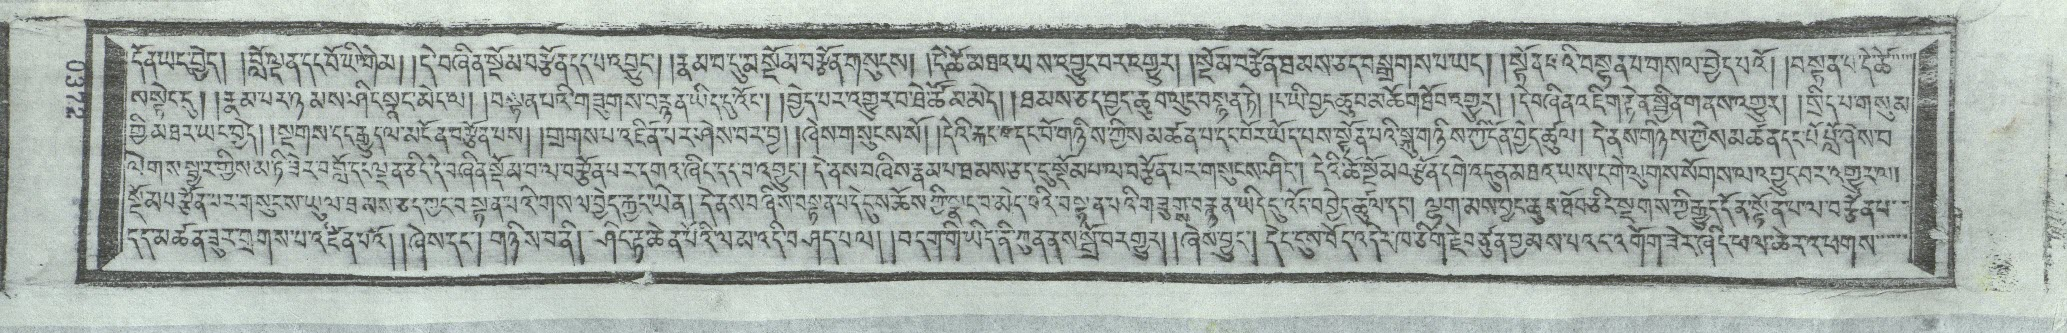དོན་ཡང་བྱེད། །བློ་ལྡན་དང་པོ་ཡེ་གེ་མ། །དེ་བཞིན་སྔོམ་བརྩོན་དད་པ་འབྱུང་། །རྣམ་པ་དུ་མ་སྔོམ་བརྩོན་གསུངས། །དེ་ཚེ་མཐའ་ཡས་འབྱུང་བར་འགྱུར། །སྔོམ་བརྩོན་ཐམས་ཅད་བསྒྲགས་པ་ཡང་། །སྟོན་པའི་བསྟན་པ་གསལ་བྱེད་པའོ། །བསྟན་པ་དེ་ཚེ་
ས་སྟེང་དུ། །རྣམ་པར་ཉམས་ཤིང་སྣང་མེད་ལ། །བསྟན་པའི་གཟུགས་བརྙན་ཡིད་དུ་འོང་། །བྱེད་པར་འགྱུར་བ་ཐེ་ཚོམ་མེད། །ཐམས་ཅད་བྱང་ཆུབ་ལུང་བསྙན་ཏེ། །ང་ཡི་བྱང་ཆུབ་མཆོག་ཐོབ་འགྱུར། །དེ་བཞིན་འཇིག་རྟེན་སྦྱིན་གནས་འགྱུར། །སྲིད་པ་གསུམ་
གྱི་མཐར་ཡང་བྱེད། །སྔགས་དང་རྒྱུད་ལ་མངོན་བརྩོན་པས། །གྲགས་པ་འཛིན་པར་ཤེས་པར་བྱ། །ཞེས་གསུངས་སོ། །དེའི་རྐང་དང་པོ་གཉིས་ཀྱིས་མཚན་པ་དང་པོར་ཡོད་པས་སྟོན་པའི་སྐུ་གཉིས་ཀྱི་དོན་བྱེད་ཚུལ། དེ་ནས་གཉིས་ཀྱིས་མཚན་དང་པོ་བློ་ཞེས་པ་
ལེགས་སྦྱར་གྱིས་མ་ཏི་ཟེར་བ་བློ་དང་ལྡན་ཅིང་དེ་བཞིན་སྔོམ་བ་ལ་བརྩོན་པར་དགའ་ཞིང་དད་པ་འབྱུང་། དེ་ནས་བཞིས་རྣམ་པ་ཐམས་ཅད་དུ་སྡོམ་པ་ལ་བརྩོན་པར་གསུངས་ཤིང་། དེའི་ཚོ་སྔོམ་བརྩོན་དགེ་འདུན་མཐའ་ཡས་དགེ་ལུགས་སོགས་ལ་འབྱུང་པར་འགྱུར་ལ།
སྡོམ་པ་རྩོན་ཡར་གསུངས་ཡུལ་ཐམས་ཅད་ཀྱང་བསྟན་པའི་གསལ་བྱེད་རྐྱང་ཡིན། དེ་ནས་བཞིས་བསྟན་པ་དེ་དུས་ཆོས་ཀྱི་སྣང་བ་མེད་པའི་བསྟན་པའི་གཟུགས་བརྙན་ཡིད་དུ་འོང་འབྱེད་ཚུལ་དང་། ལྷག་མས་བྱང་ཆུབ་ཐོབ་ཅིང་སྔགས་ཀྱི་རྒྱུད་དོན་སྟོན་པ་ལ་བརྩོན་པ་
དད་མཚན་ཟུར་གྲགས་པ་འཛིན་པའོ། །ཞེས་དང་། གཉིས་པ་ནི། ཤིང་རྟ་ཆེན་པོའི་ལམ་འདི་བཤད་པ་ལ། །བདག་གི་ཡིད་ནི་ཀུན་ནས་སྒྲོ་བར་གྱུར། །ཞེས་བྱུང་། དེང་དུས་བོད་འདིར་ཁ་ཅིག་རྗེ་བཙུན་བྱམས་པའང་འོག་ཟེར་ཞིང་ཕལ་ཆེར་འཕགས་